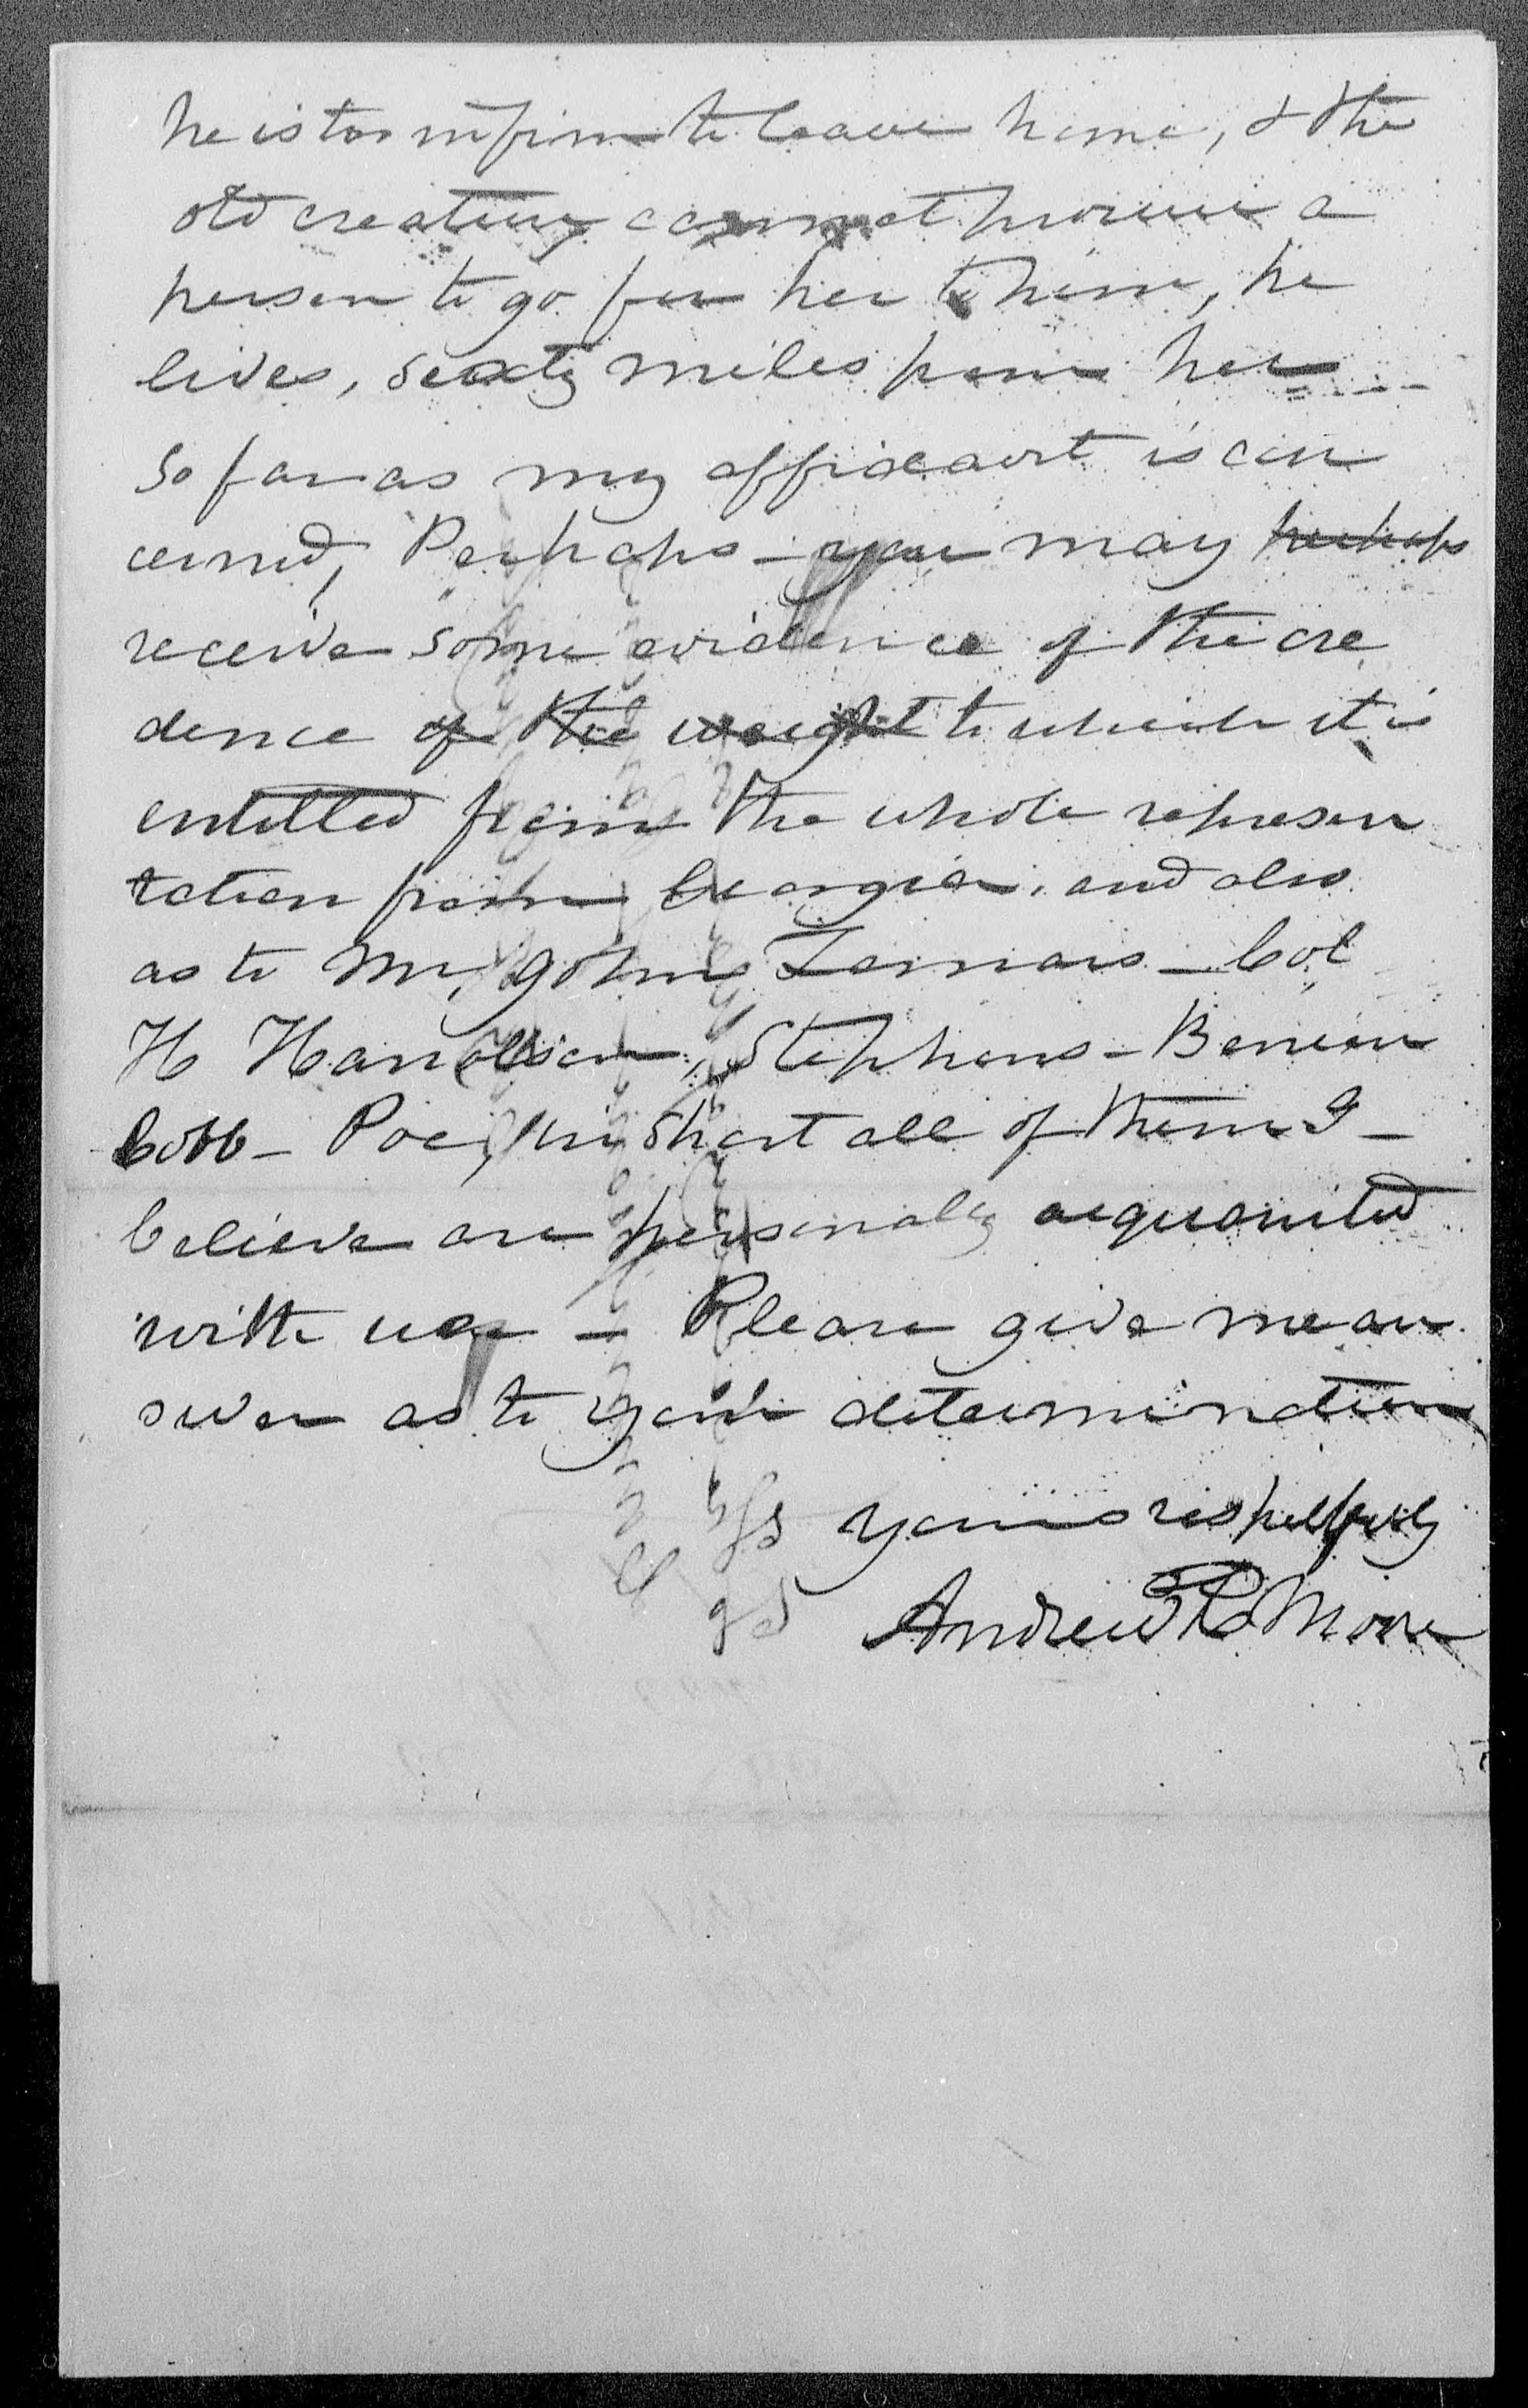he is too infirm to leave home & the
old creature cannot provide a
person to go for her to him.  
He lives, sixty miles from her. So far as my affidavit is concerned,
perhaps you may receive some evidence of the credence of the right to which it entitled for the whole representation from Georgia, and also as to Mr. John Lamars, Col
H Hanson, Mr.  Stephens, Benion
Cobb Poe _____all of them I believe
are personally acquainted with him.
a please give me an answer as to your 
 determination.

Yours respectfully
Andrew R. Moore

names: Andrew R Moore, H Harrolson, Stephens, John Lamars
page: 54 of 73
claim: widow's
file: W. 5,894, John Cash, Va.